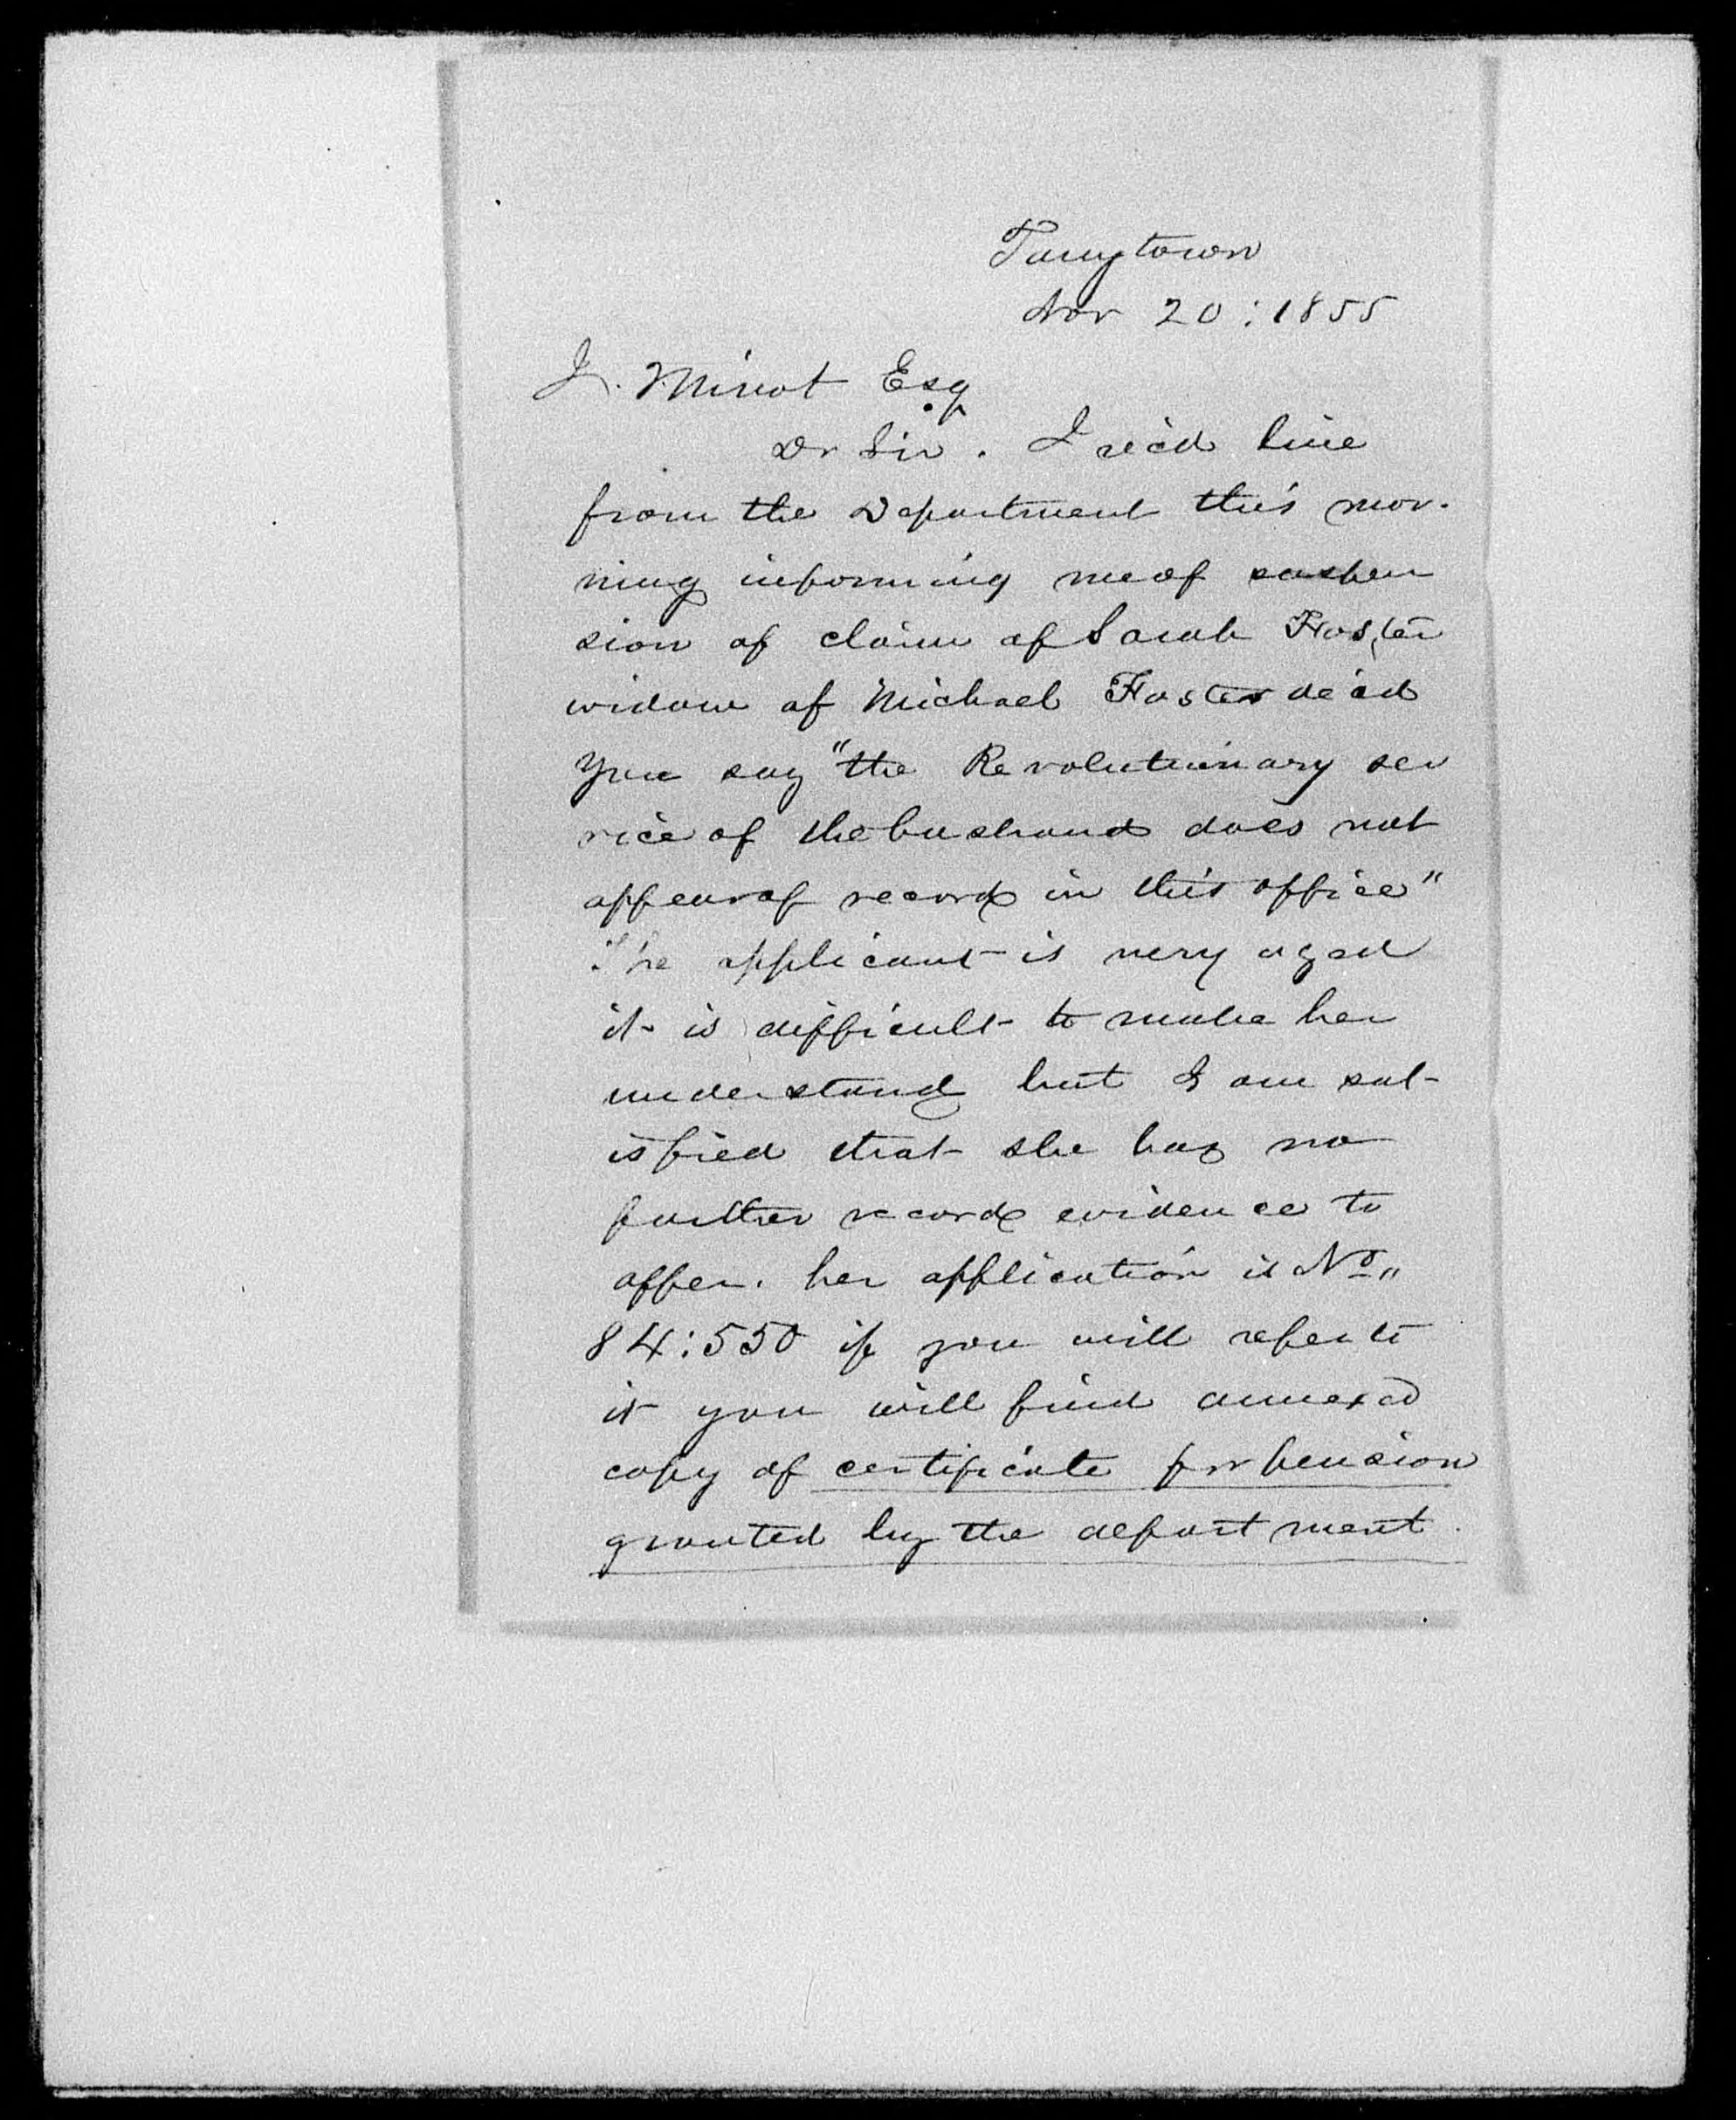Tarrytown
Nov 20: 1855

J. Minot Esq.

Dr. Sir. I rec'd. line from the Department this morning informing me of suspension of claim of Sarah Foster widow of Michael Foster dec'd. 
You say "the Revolutionary service of the hushand does not assure of record in this office"
The applicant is very aged it is difficult to make her understand but I am satisfied that she has no further record evidence to offer her application is No. 84:550 if you will refer to it you will find annexed copy of certificate for pension granted by the department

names: Sarah Foster, J Minot, Michael Foster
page: 44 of 57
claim: widow's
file: W. 5275 1/2, Michael Foster, Penn.